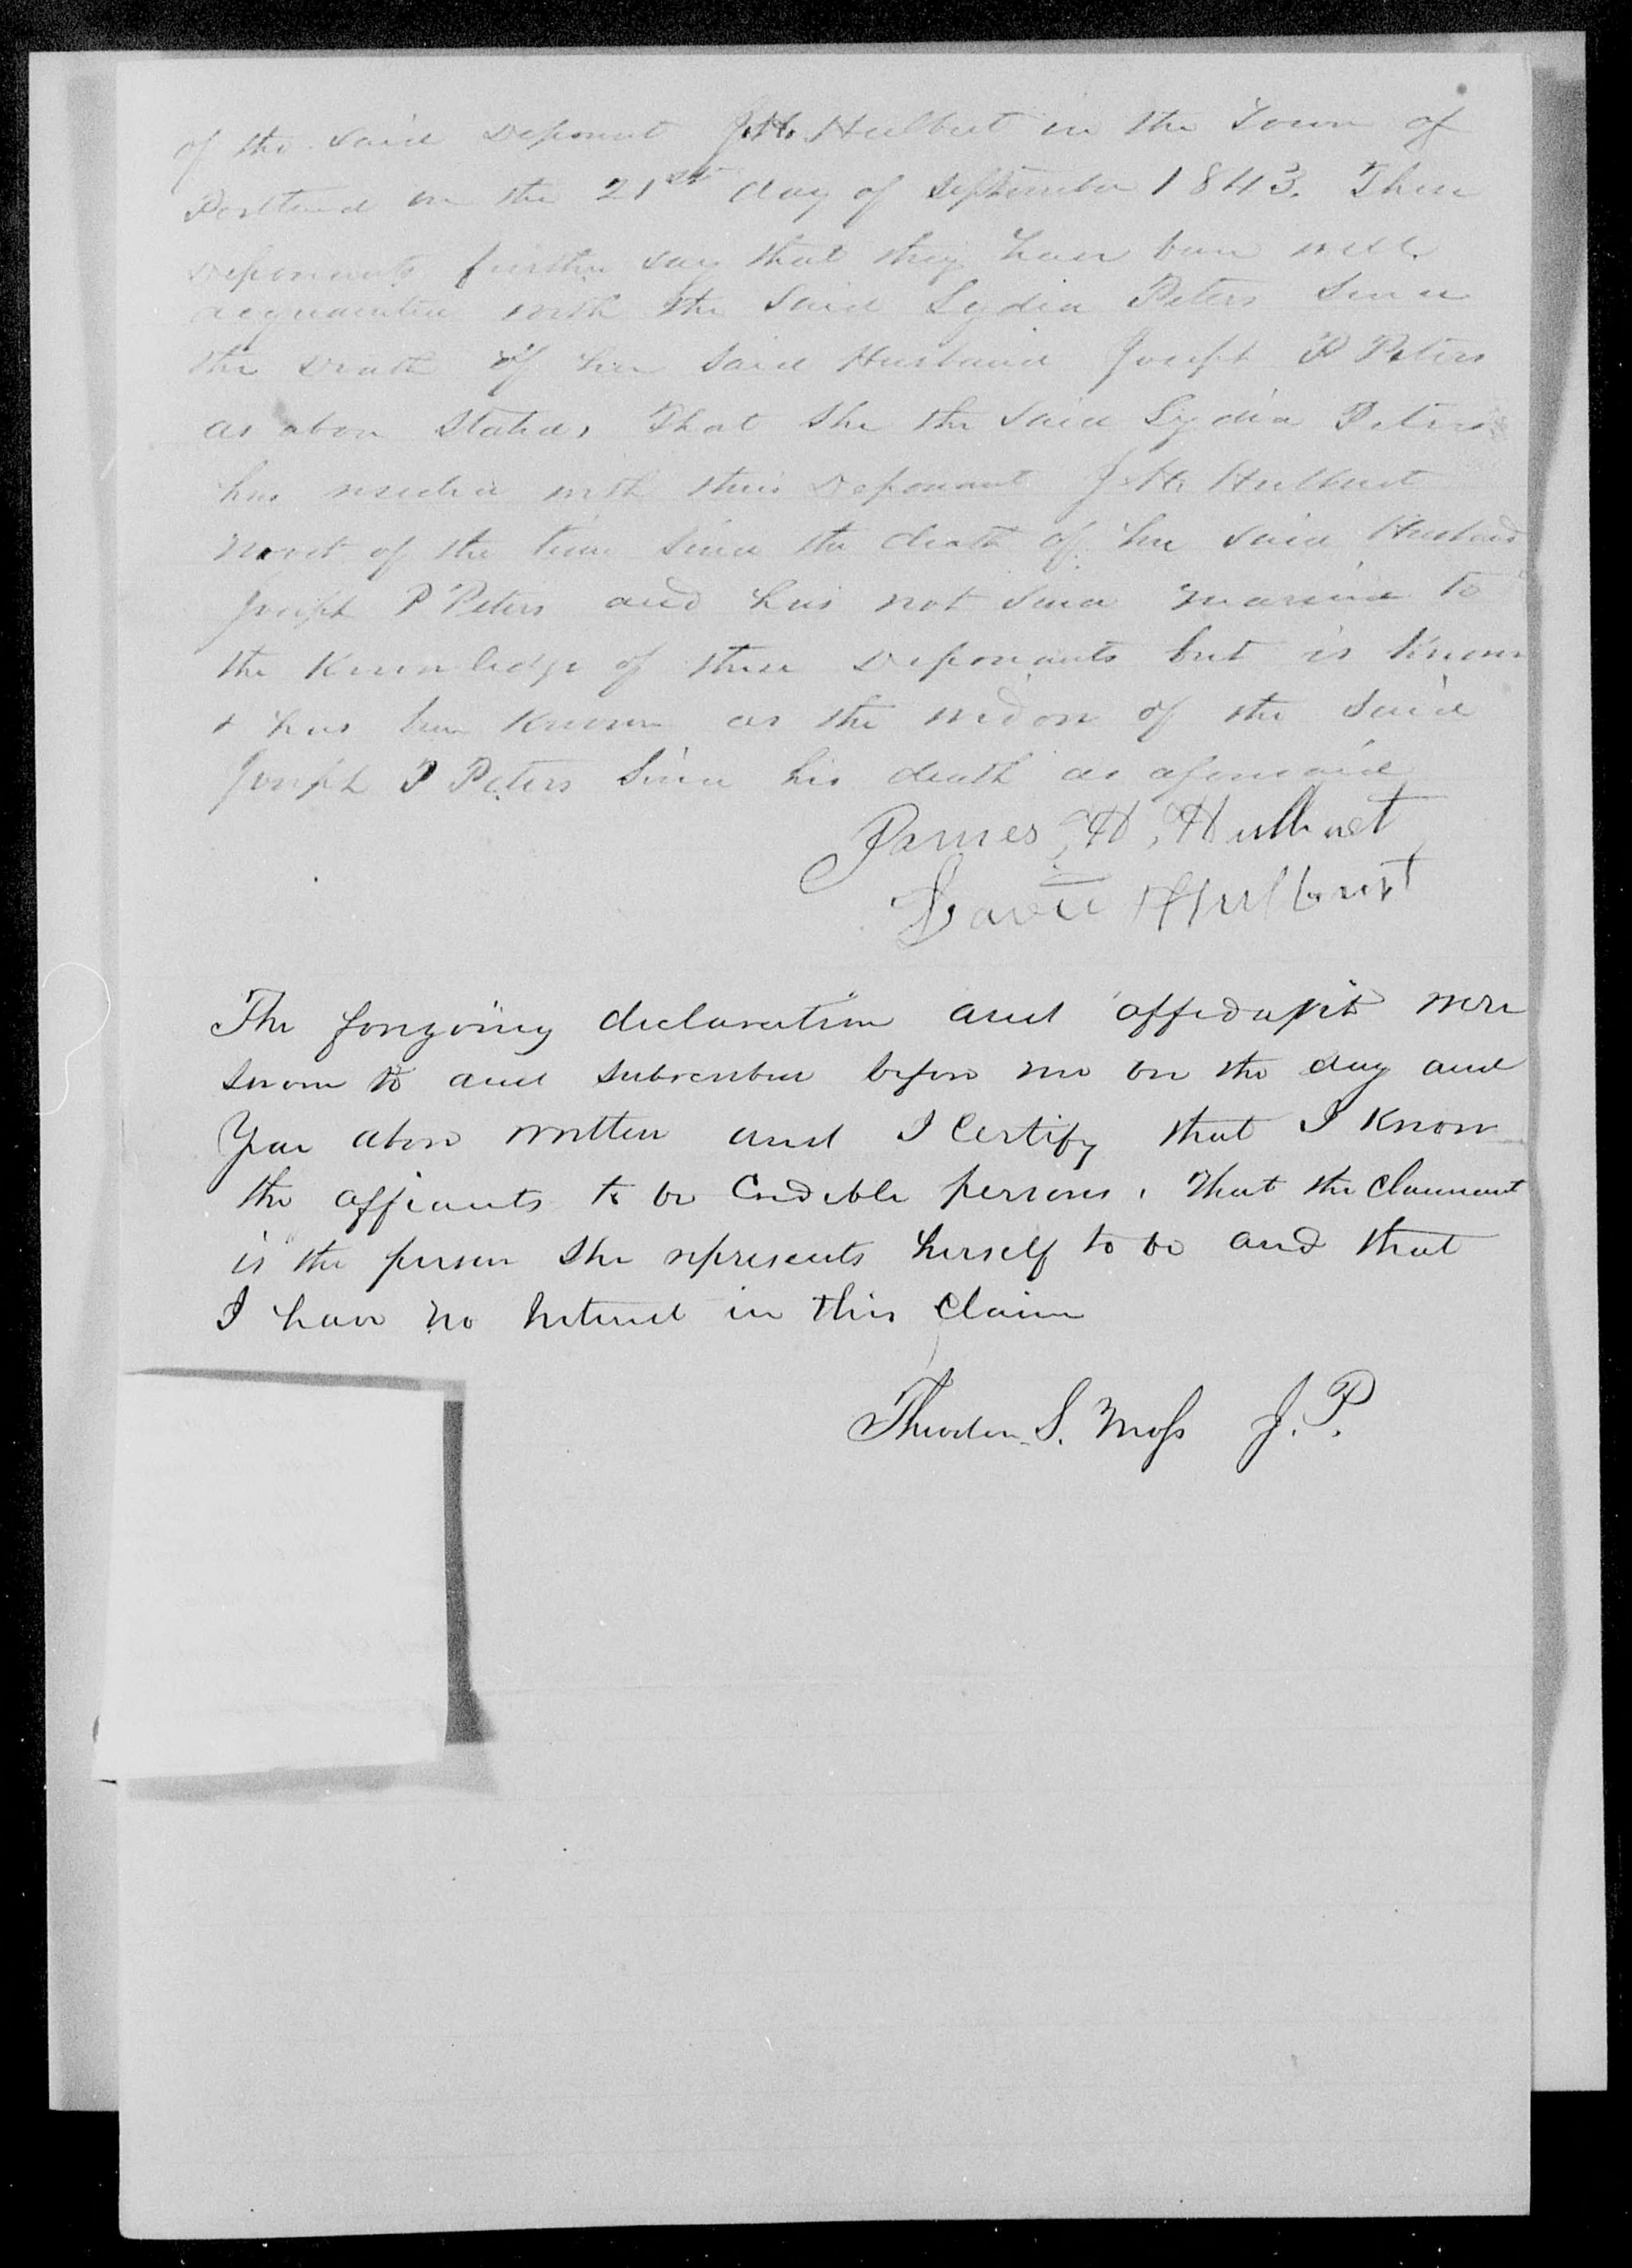of the said Deponent J H Hulbert in the Town of Portland on the 21st day of September 1843. There Deponants further say that they have been well acquainted with the said Lydia Peters since the death of her said Husband Joseph P Peters as above stated. That she the said Lydia Peters has resided with this Deponent J M Hulburt most of the time since the death of her said Husband Joseph P Peters and has not since married to the knowledge of these Deponants but is known & has been known as the widow of the said Joseph P Peters Since his death as aforesaid, 
James H. Hulburt 
David Hulburt
The foregoing declaration and affidavit were Sworn to and subscribed before me on the day and year above written and I certify that I know the affiants to be credible persons. That the claimant is the person she represents herself to be and that I have no interest in this claim.  
Theodore S. Moss J. P.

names: Lydia Peters; Joseph P Peters; Theodore S Moss; David Hulburt; James H Hulburt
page: 25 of 73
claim: widow's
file: W. 2338, for Joseph P Peters, Connecticut